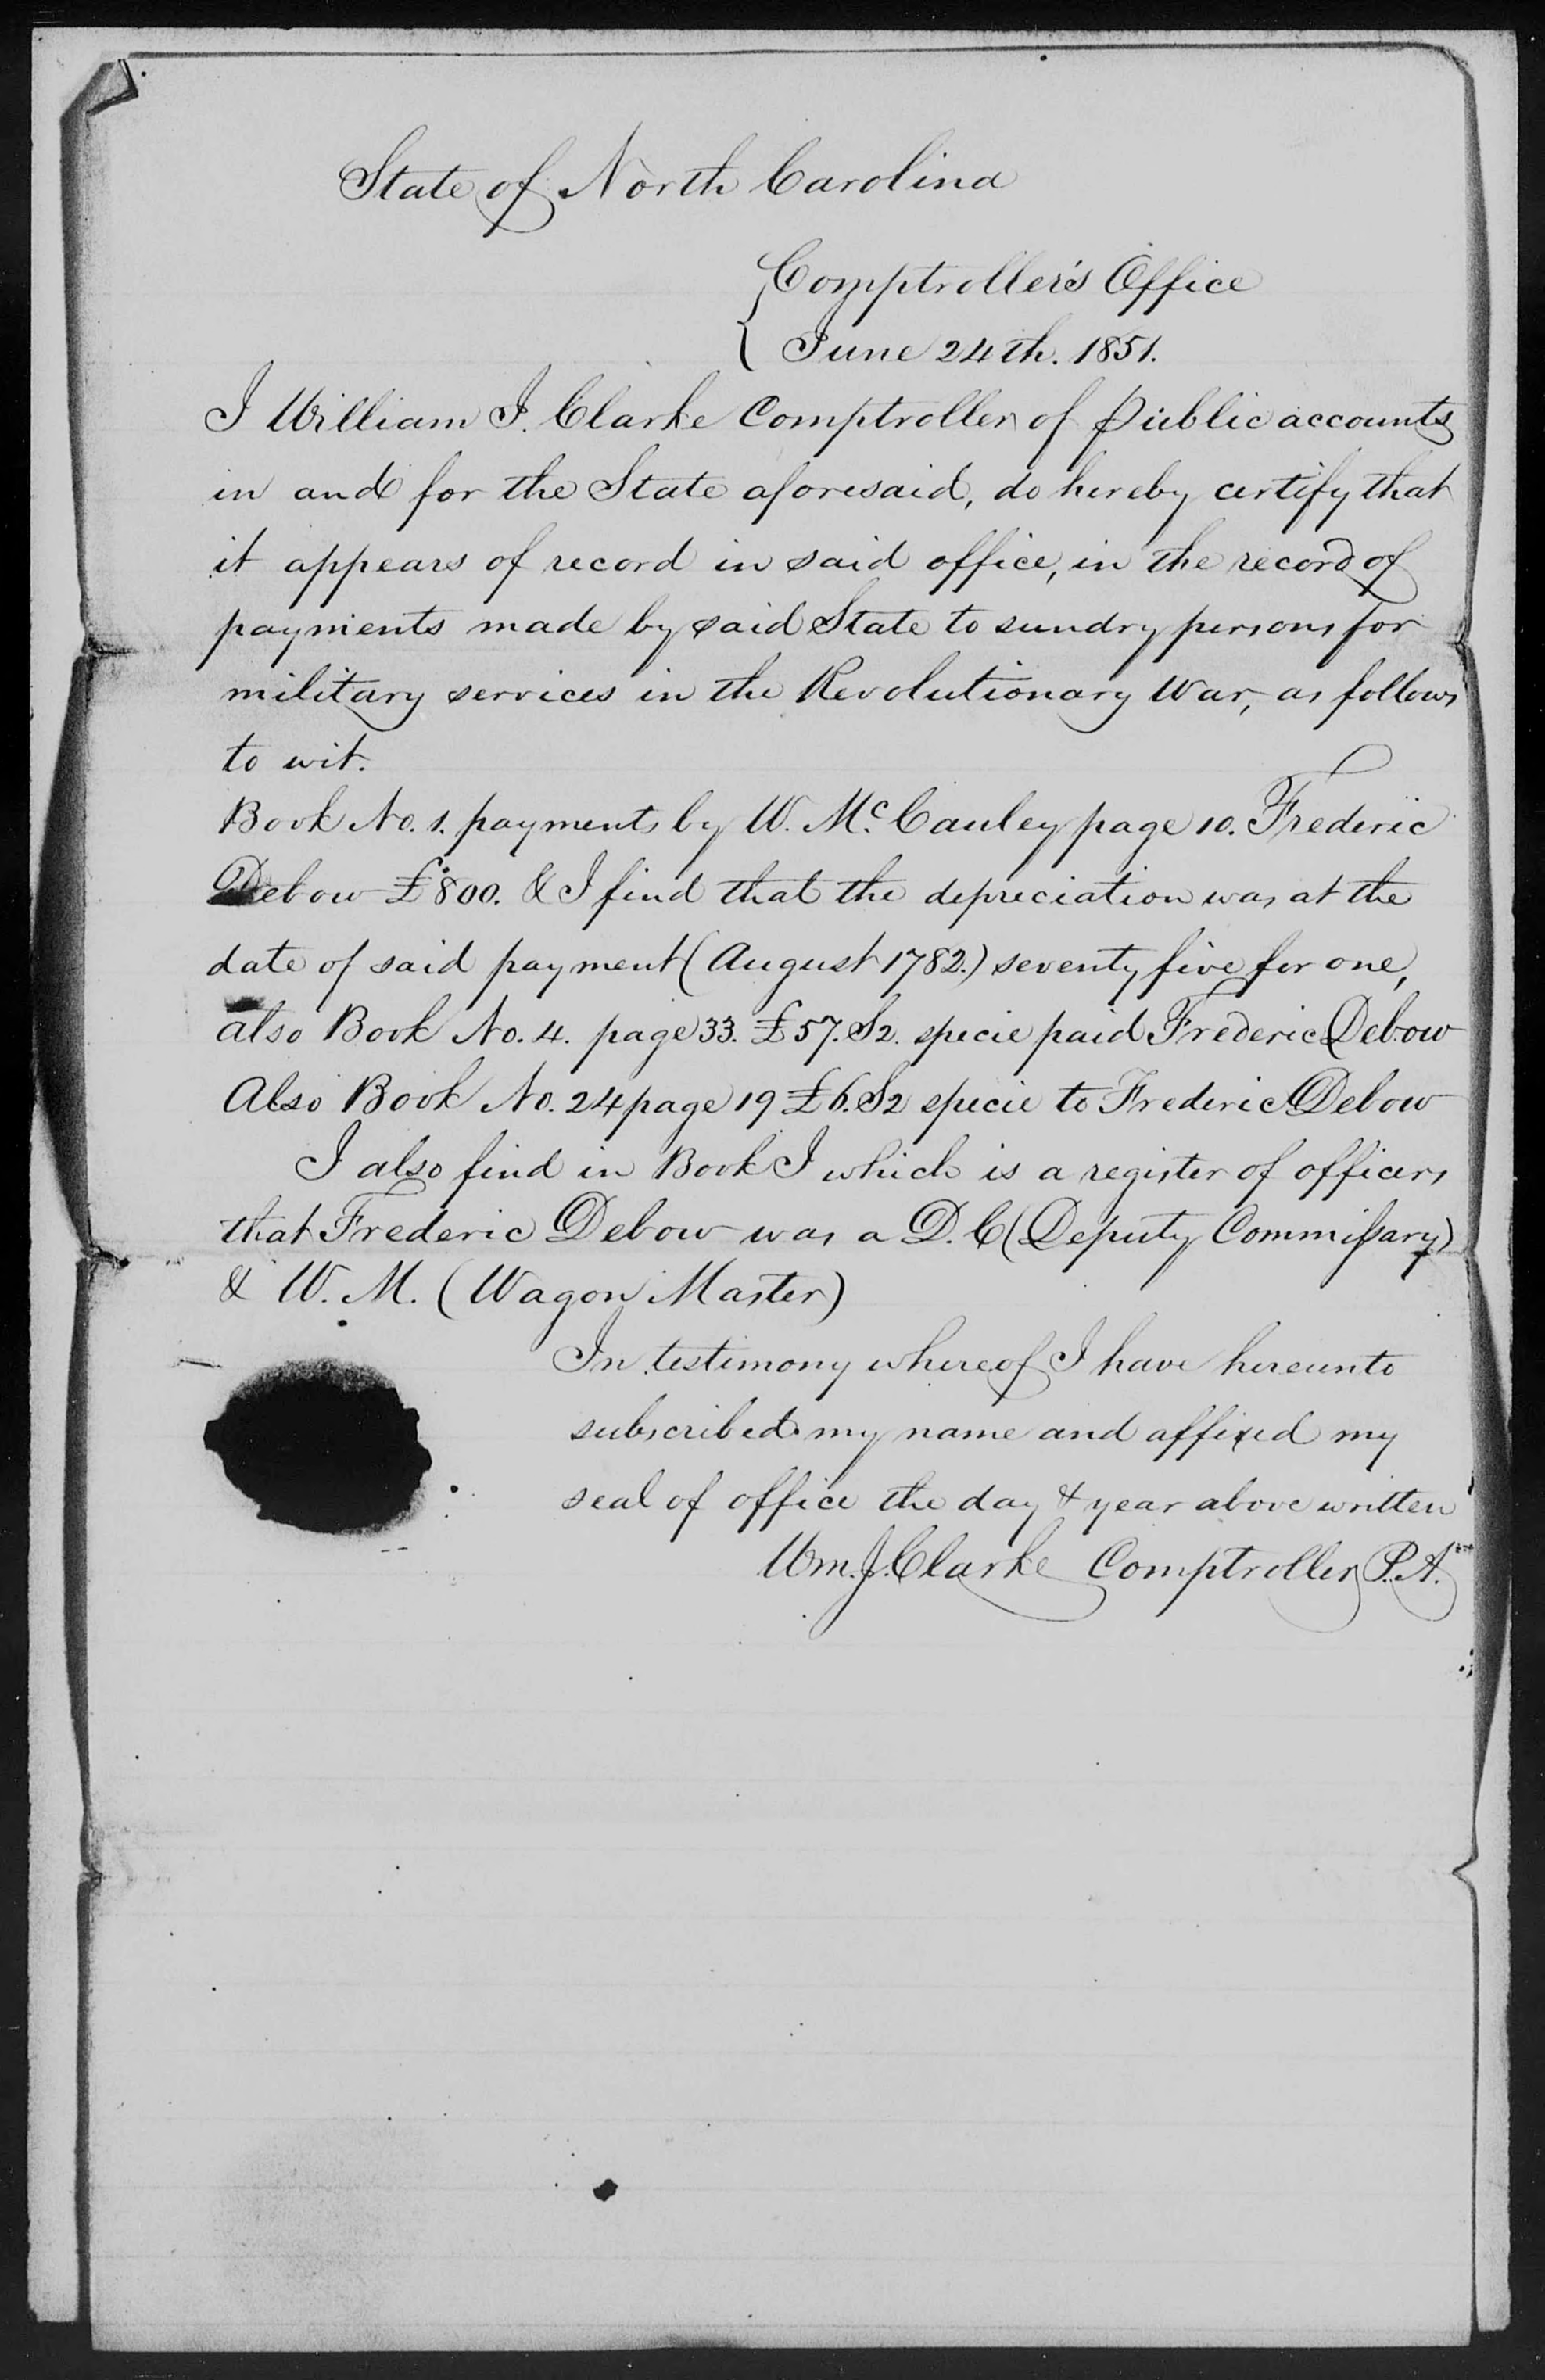State of North Carolina
	[Comptrollers Office		
	[June 24th 1851
I William J Clarke comptroller of public accounts,
In and for the State aforesaid, do hereby certify that
It appears of record in said office, in the record of
Payments made by said State to sundry persons for
Military services in the Revolutionary War, as follows
To wit.
Book No. 4 payments by W. McCauley page 10 Frederic
Debow Pound 800 & I find that the depreciation was at the
Date of said payment (August 1782) seventy five for one,
Also Book No. 24 page 19 pound 6&2 [illegible] paid Frederic Debow
     I also find in Book I which is register of officer,
That Frederic Debow was a D.C. (Deputy Commissary)
& W.M. (Wagon Master)
	In testimony where of I have hereunto
	Subscribed my name and affixed my
	Seal of office the day & year above written
	Wm J Clarke Comptroller P.A.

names: William J Clarke, W Mc Cauley, Wm J Clarke, Frederic Debow, Frederic Debow, Frederic Debow, Frederic Debow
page: 13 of 62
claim: widow's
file: W 7005, Frederick Debow, N.C.